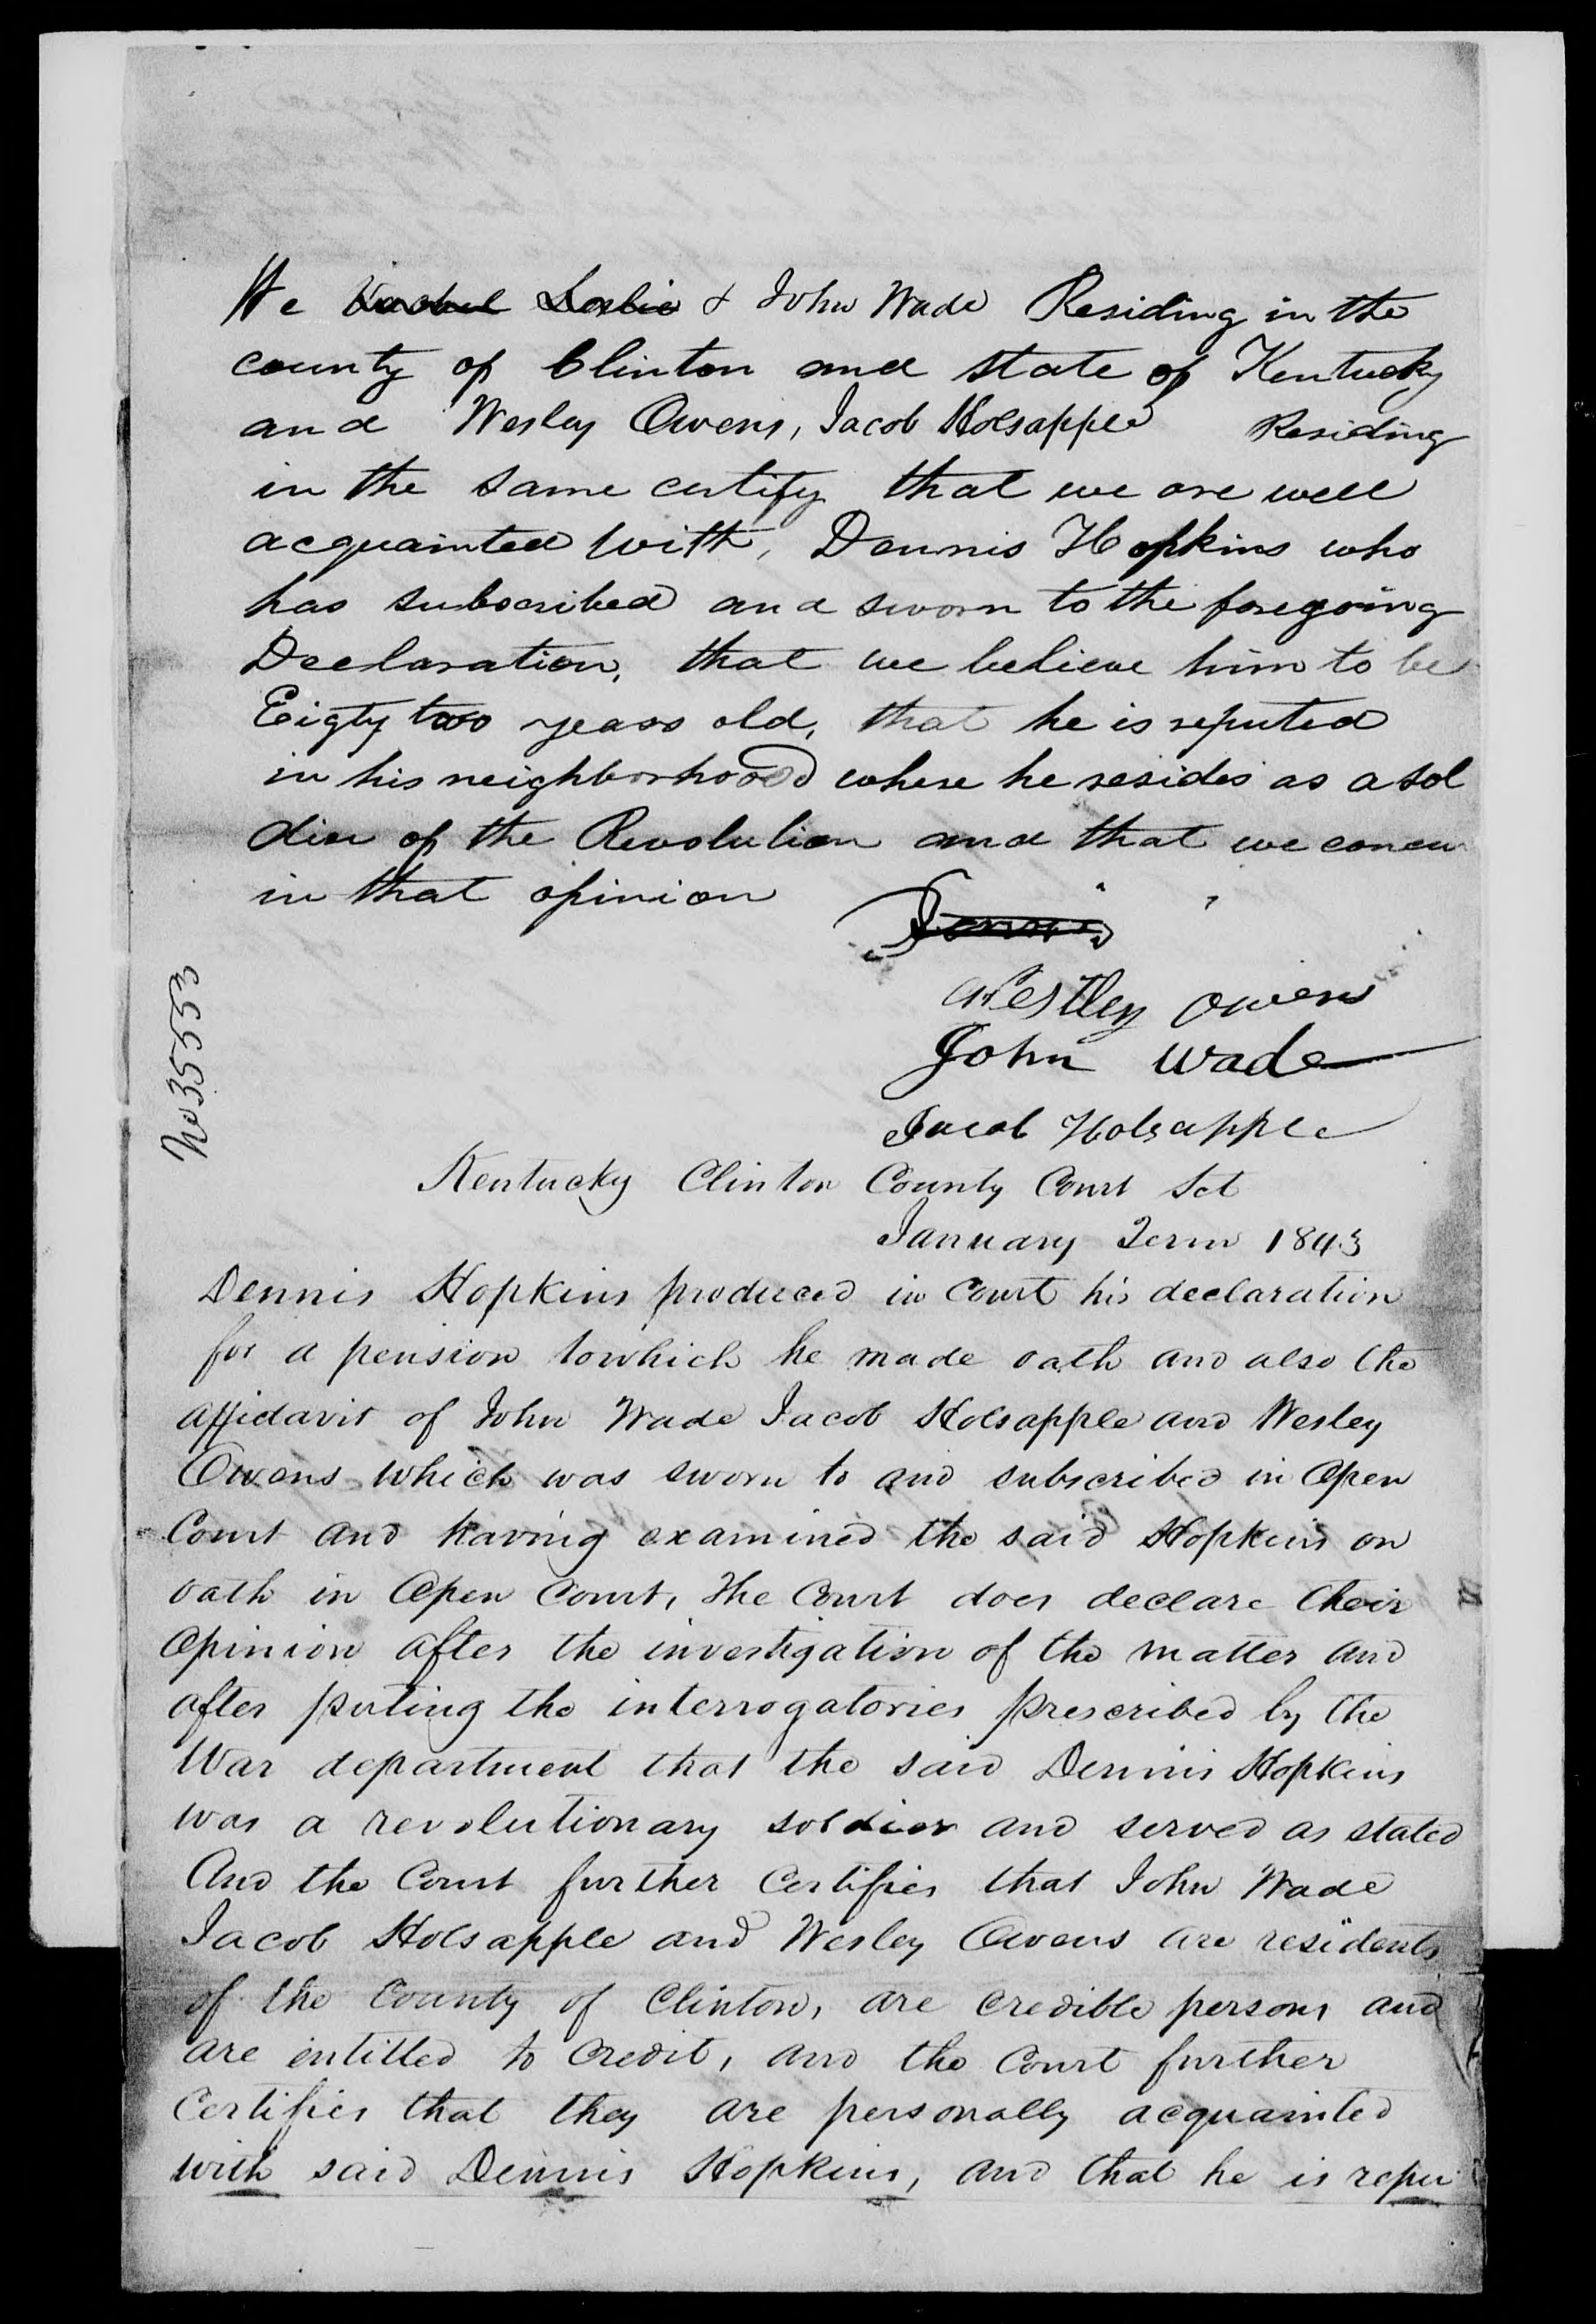We & John Wade Residing in the County of Clinton and State of Kentucky and Wesley Owens, Jacob Holsapple Residing in the same certify that we are well acquainted with Dennis Hopkins who has subscribed and sworn to the foregoing Declaration, that we believe him to be Eighty two years old, that he is reputed in his neighborhood where he resides as a soldier of the Revolution and that we concur in that opinion
Westley Owens
John Wade
Jacob Holsapple

Kentucky Clinton County Court Sct
January Term 1843
Dennis Hopkins produced in Court his declaration for a pension to which he made oath and also the affidavit of John Wade Jacob Holsapple and Wesley Owens which was sworn to and subscribed in open court and having examined the said Hopkins on oath in open Court, The Court does declare their opinion after the investigation of the matter and after puting the interrogatories prescribed by the War department that the said Dennis Hopkins as a revolutionary soldier and served as stated and the Court further certifies that John Wade Jacob Holsapple and Wesley Owens are residents the County of Clinton, are credible persons and are entitled to credit, and the Court further Certifies that they are personally acquainted with said Dennis Hopkins, and that he is repu-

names: Jacob Holsapple, Wesley Owens, John Wade, Dennis Hopkins, Vachel Leslie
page: 6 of 144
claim: rejected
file: R. 5208, Dennis Hopkins, N.C.